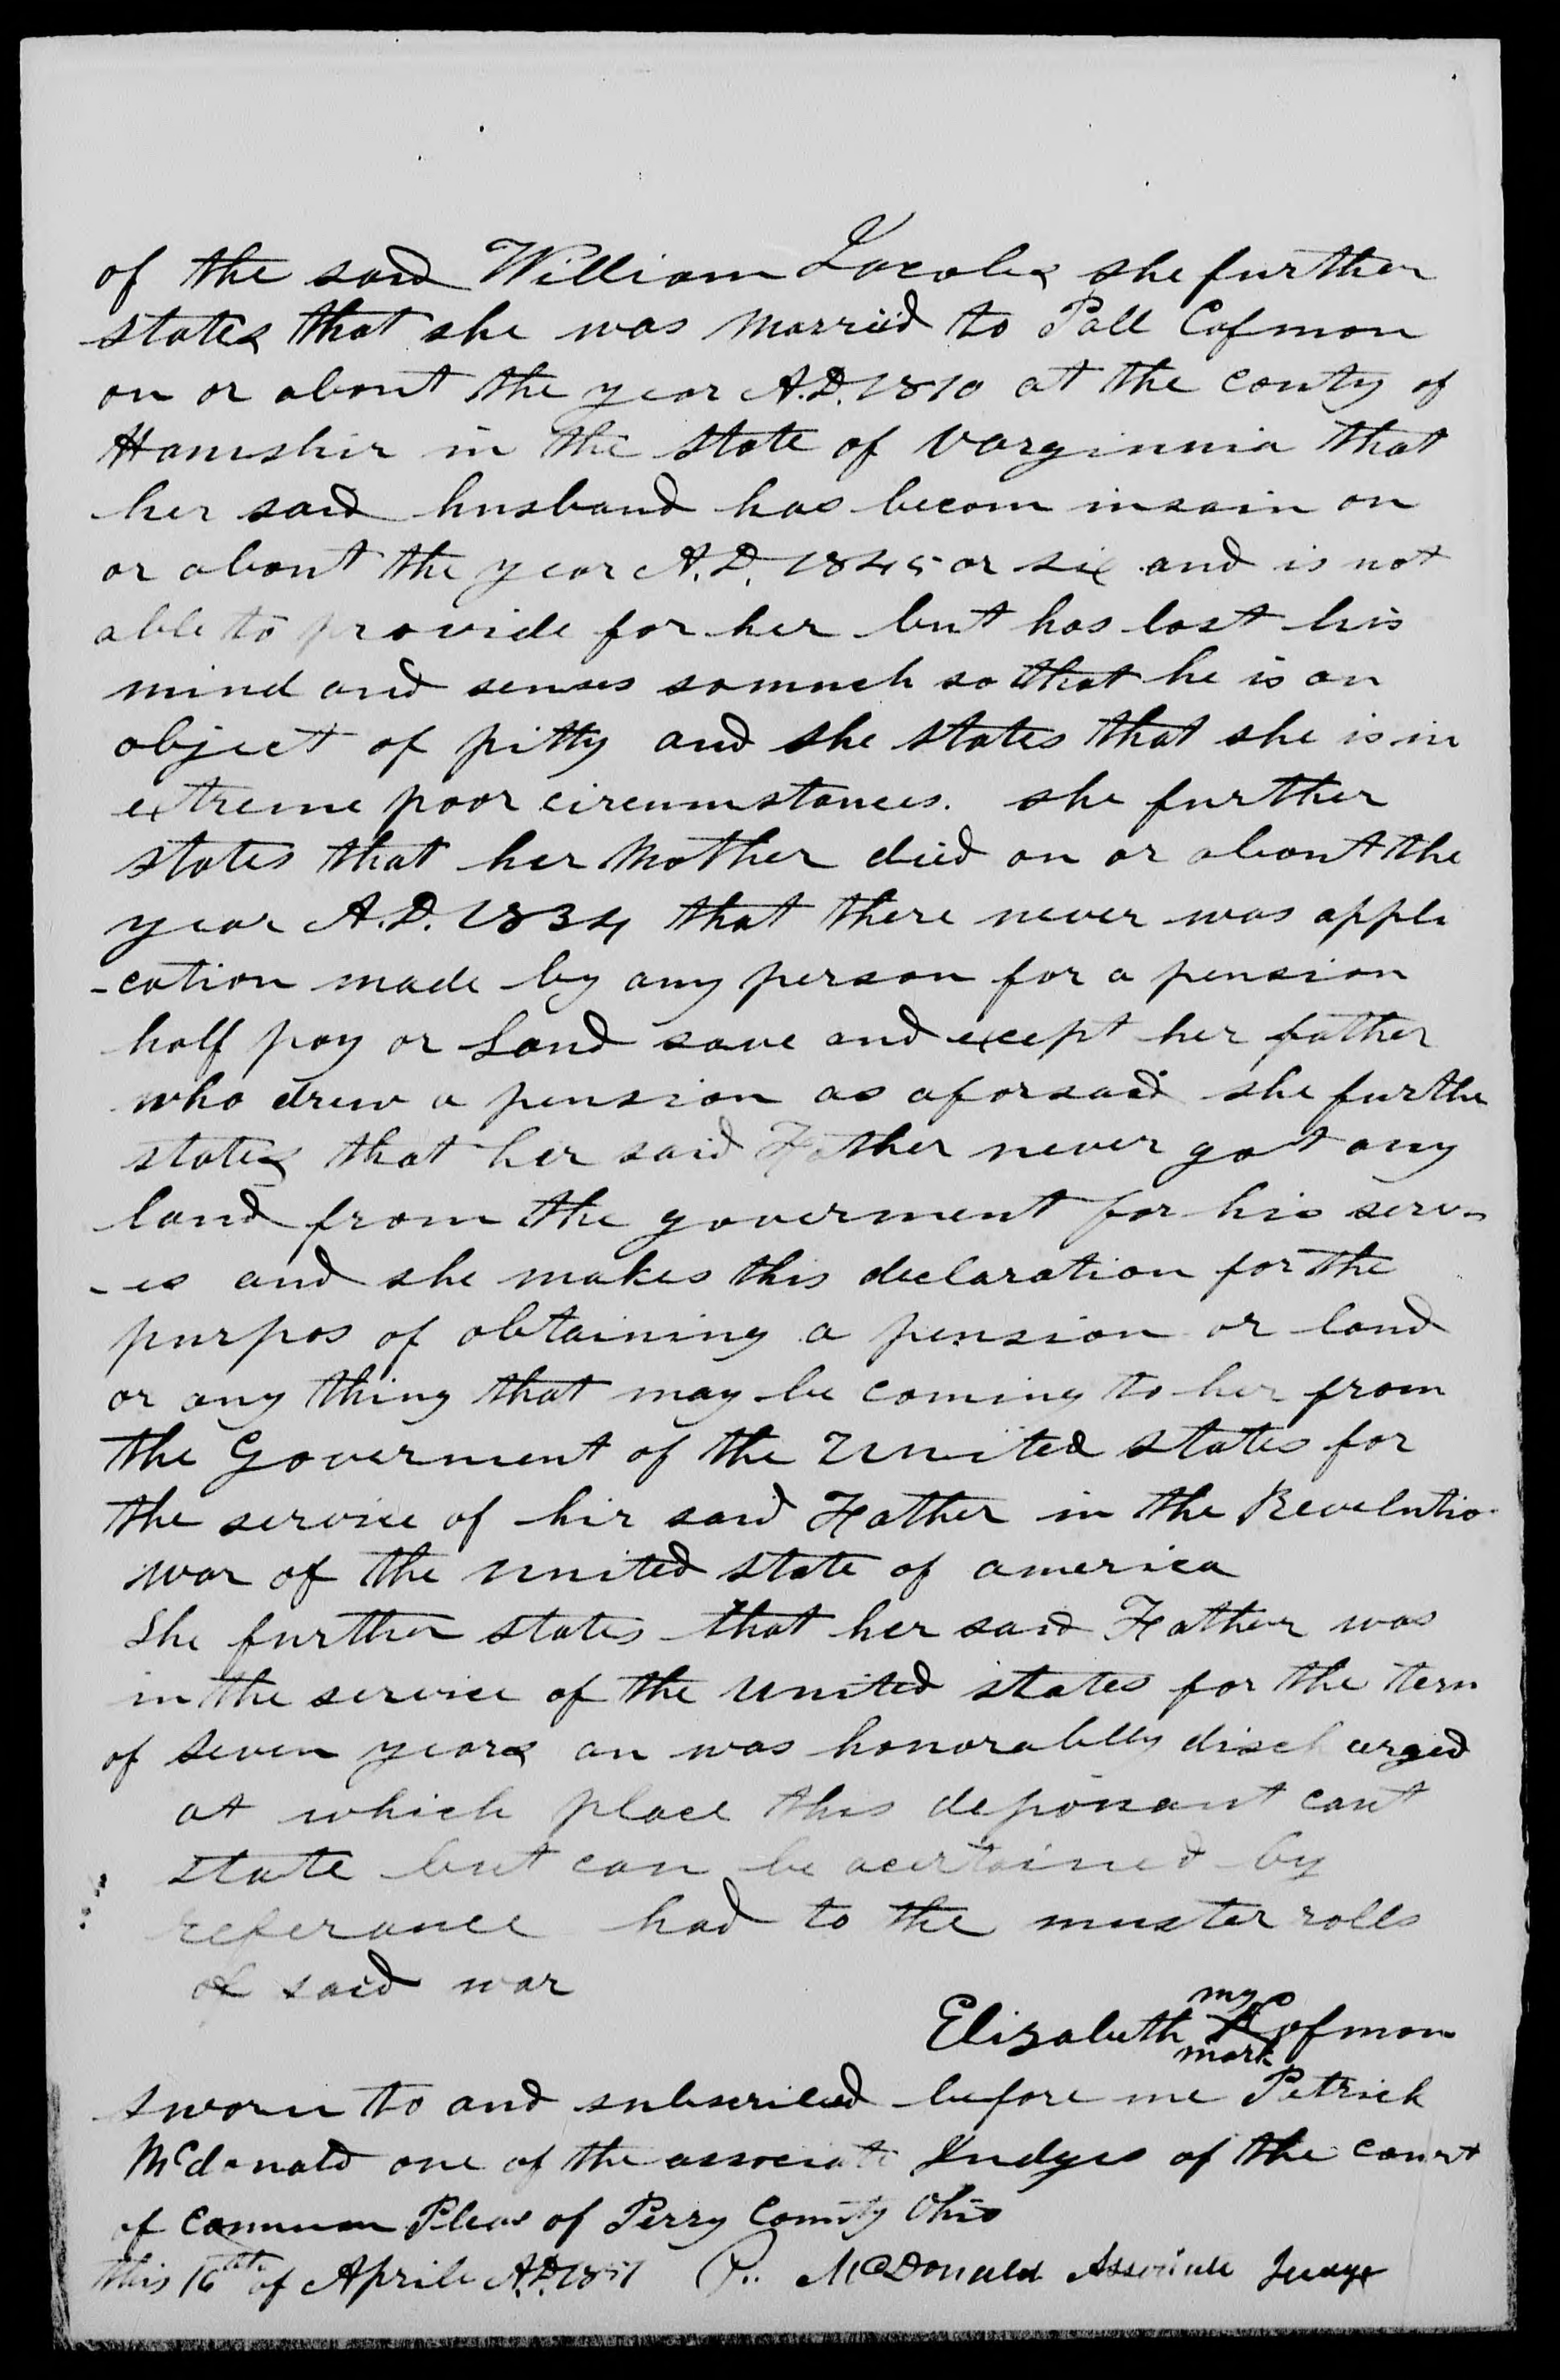of the said William Jacobs, she further 
states that she was married to Pall Cofmon 
on or about the year A.D. 1810 at the county of 
Hamshir[Hampshire] in the State of Varginnia [Virginia] that 
her said husband has becom[e] insain [insane] on 
or about the year A.D. 1845 or six and is not 
able to provide for her but has lost his 
mind and senses so much so that he is an object of pitty[pity] and states that she is in extreme poor circumstances. she further 
states that her Mother died on or about the 
year A.D. 1834 that there never was application 
made by any person for a pension 
half pay or Land save and except her father 
who drew a pension as aforsaid she further 
states that her said Father never got any 
land from the government for his servis[service]
and she makes this declaration for the 
purpos[e] of obtaining a pension or land 
or anything that may be coming to her from 
the Government of the United States for 
the service of her said Father in the Revolutio[n]
war of the united state[s] of america
She further states that her said Father was 
in the service of the united states for the term of seven years an[d] was honorably discharged at which place this deponant cant 
state but can be acertained[ascertained] by 
reference had to the muster rolls 
of said war
Elizabeth Cofmon my X mark
 
Sworn to and subscribed before me Patrick 
Mcdonald one of the associate Judges of the court of Common Pleas of Perry County Ohio
this 16th of April A.D. 1851 
P. McDonald Associate Judge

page: 6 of 23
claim: survivor's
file: S. 2289, for William Jacobs, Maryland